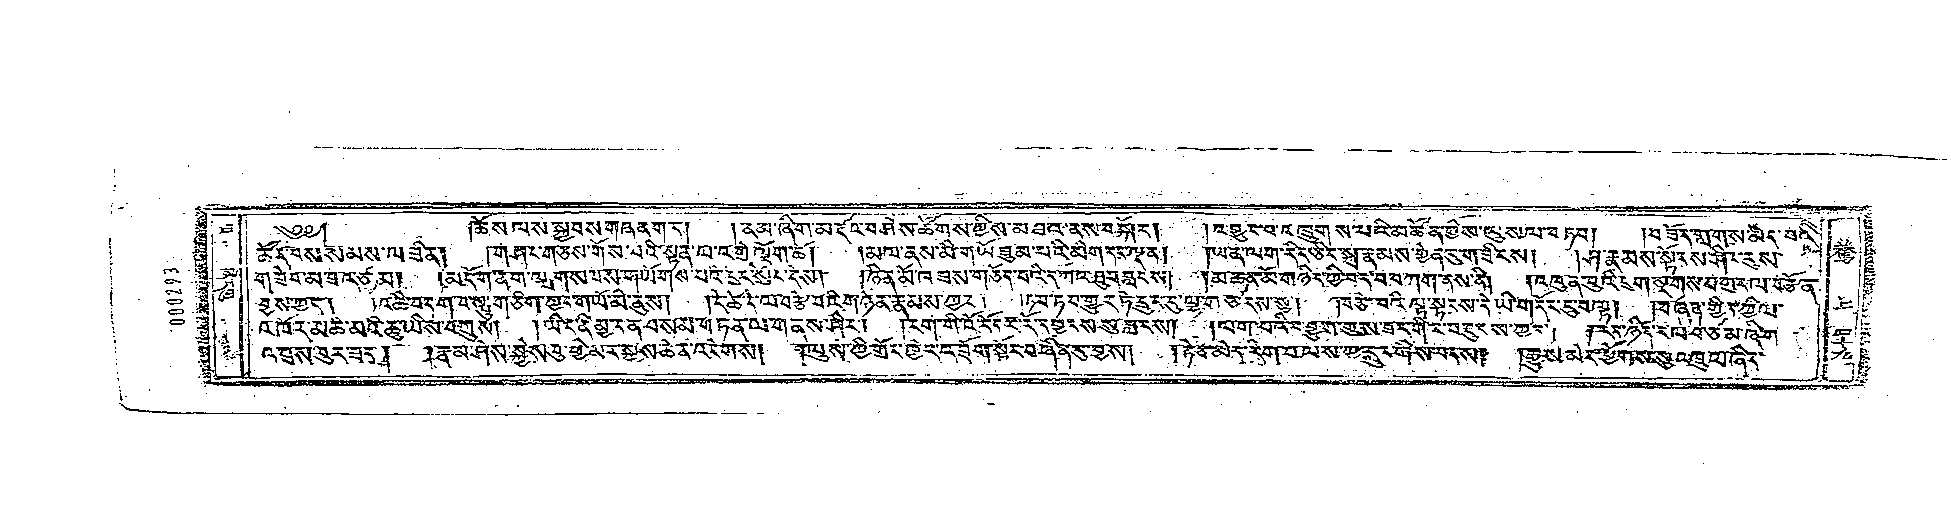༄༅། །ཆོས་ལས་སྐྱབས་གཞན་གང་། །ནམ་ཞིག་མཛའ་བཤེས་ཚོགས་ཀྱིས་མཐའ་ནས་བསྐོར། །འབྱུང་བ་འཁྲུགས་པའི་མཚོན་གྱིས་ལུགས་ལ་བཏབ། །བཟོད་གླགས་མིང་བའི་
ཚོར་བས་སེམས་ལ་ཟིན། །གཤང་གཅས་གོས་པའི་སྟན་ལ་འགྲོ་ལྡོག་ཚེ། །མལ་ནས་མི་གཡོ་ཟུམ་པའི་མིག་དང་ལྡན། །ཡན་ལག་རིང་ཅིང་སྐྲ་རྣམས་གྱེན་དུ་གཟིངས། །ཤ་རྣམས་སྟོང་ཤིང་རུས་
གཟེབ་མ་བྲལ་ཙམ། །མདོག་ནག་ལྤགས་པས་གཡོགས་པའི་དྲང་སྲོང་ངེས། །ཉིན་མོ་ཁ་ཟས་གཅོད་བའི་དཀའ་ཐུབ་བླངས། །མཚན་མོ་གཉིད་ཀྱི་བདེ་བ་བཀག་ནས་ནི། །འཁུན་བུའི་དྲག་སྔགས་བགྲང་ལ་བརྩོན་
བྱས་ཀྱང་། །འཆི་བདག་བ་སྤུ་གཅིག་ཀྱང་གཡོ་མི་ནུས། །དེ་ཚེ་དེ་ལ་བརྩེ་བའི་གཉེན་རྣམས་ཀྱང་། །ཏབ་ཏབ་གྱུར་ཏེ་དྲུང་དུ་ལྷ་གཙངས་སུ། །བརྩེ་བའི་ལྟ་སྟངས་དེ་ཡི་གདོང་དུ་བལྟ། །གཞན་གྱི་དཀྱིལ་
འཁོར་མཆི་མའི་ཆུ་ཡིས་བཀྲུས། །ཡིད་ན་མྱ་ངན་བསམ་གཏན་ལ་གནས་ཤིང་། །དག་གི་འོ་དོད་ང་རོ་དབྱངས་སུ་བླངས། །ལག་པའི་དབྱུག་གུས་བྲང་གི་ང་བརྡུངས་ཀྱང་། །རང་ཉིད་ངལ་བཙམ་ཞིག་
འབྲས་བུར་ཟར། །རྣམ་ཤེས་སྐྱེས་བུ་ཕྱེ་མར་སྐྱེས་ཆེན་འདེགས། །ལུས་ཀྱི་གྲོང་ཁྱེར་འབྲོག་སྟོང་བཞིན་དུ་བྱས། །ཏེན་མེད་རིག་བ་ལས་ཀྱི་རླུང་གིས་བདས། །རྒྱུས་མེད་ཕྱོགས་སུ་འཁྲུལ་ཞིང་